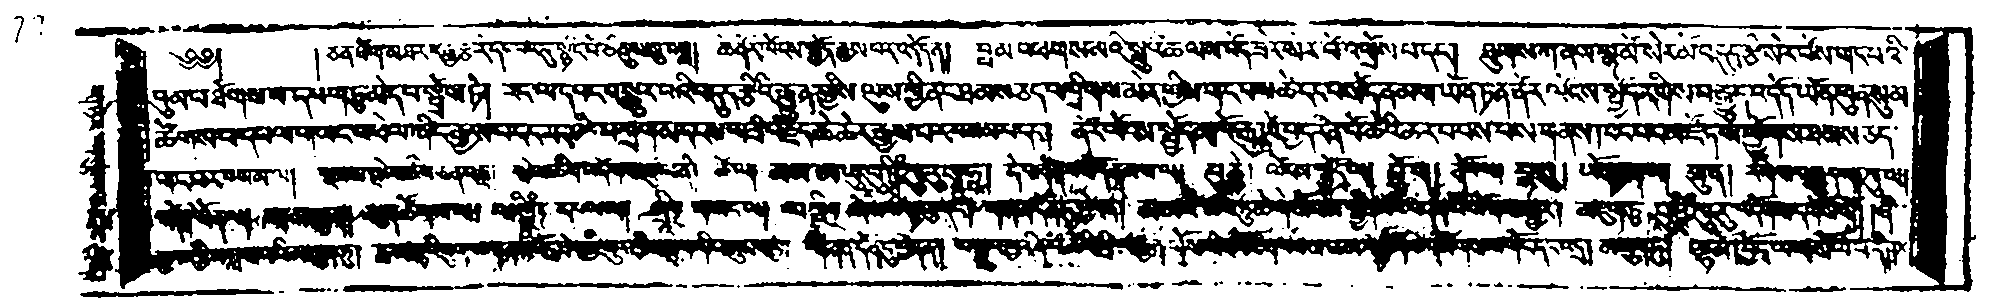༄༅། །ཅན་ཐོག་མཐར་བརྒྱ་རྩ་རེ་དང་བར་དུ་སྙིང་པོ་ཅི་ནུས་སུ་བཟླ། ཚེ་ནོར་ལོངས་སྤྱོད་རྒྱས་པར་འདོད་ན། བླ་མ་འཕགས་མའི་སྐུའི་ཆ་ལས་འོད་ཟེར་སེར་པོ་འཕྲོས་པ་དང་། ཐུགས་ཀ་ནས་ལྷ་མོ་སེར་མོ་བདུད་རྩི་སེར་བོས་གང་བའི་
བུམ་པ་ཐོགས་པ་དཔག་ཏུ་མེད་པ་སྤྲོས་ཏེ། རང་ལ་དབང་བསྐུར་བའི་བདུད་རྩིའི་རྒྱུན་གྱིས་ལུས་ཀྱི་ནང་ཐམས་ཅད་འཁྲིགས་མེར་གྱིས་གང་བས་ཚེ་དང་བསོད་ནམས་ཡོན་ཏན་ནོར་ལོངས་སྤྱོད་རིགས་བརྒྱུད་འདོད་ཡོན་ཕུན་སུམ་
ཚོགས་པ་དཔལ་གཡང་འཕེལ་ཞིང་རྒྱས་པ་དང་རང་ཉིད་བཀྲག་མདངས་གཟི་བརྗིད་ཆེ་ཆེར་རྒྱས་པར་བསམ་པ་དང་། ནོར་ལོངས་སྤྱོད་མཁོ་རྒུ་ཡོ་བྱད་རིན་པོ་ཆེའི་ཆར་བབས་པས་གནས་ཁང་བང་མཛོད་ས་ཕྱོགས་ཐམས་ཅད་
གང་བར་བསམ་ལ། སྔགས་སྦེལ་ཚིག་ཅན་བཟླ། སྤེལ་ཚིག་འདོགས་ཚུལ་ནི། ཚེ་ལ། མ་མ་ཨ་ཡུ་པུ་ཥྚིཾ་ཀུ་རུ་སྭཱ་ཧཱ། དེ་བཞིན་བསོད་ནམས་ལ། པུཎྱེ། ལོངས་སྤྱོད་ལ། བྷོ་ག། ནོར་ལ། བྷ་སུ། ཡོན་ཏན་ལ། གུ་ན། རིགས་བརྒྱུད་ལ། ཀུ་ལ།
འདོད་ཡོན་ལ། ག་མ་གུ་ན། ཕུན་ཚོགས་ལ། ལཀྵཱིཾ༑ དཔལ་ལ། ཤྲཱིཿ གཡང་ལ། ལཀྵྨིཿ ཞེས་པ་ལྟ་བུ་དང་། གཞན་དོན་དུ་བྱེད་ན། མ་མའི་ཚབ་ཏུ་ཆེ་གེ་མོ་འམ་སྦྱིན་པའི་བདག་པོ་སོགས་སྦྱར། མཇུག་ཏུ་པུཥྚིཾ་ཀུ་རུ་འདོགས་དགོས་སོ། །ཞི་
རྒྱས་ཀྱི་བཟླས་པའི་མཇུག་ཏུ། བླ་མ་ལྷའི་ཐུགས་ཀ་ནས་འོད་ཟེར་གྱི་གུར་ཁྱིམ་དྲུག་གི་བསྲུང་བ་བྱ། གཞན་དོན་དུ་བྱེད་ན། བསྒྲུབ་བྱ་རིན་པོ་ཆེའི་ཁྲི་ལ་རྒྱན་གོས་སེར་པོ་ཅན་བསམ་པ་མ་གཏོགས་དམིགས་པ་གོང་དང་འདྲ། མཇུག་ཏུ། ལྷ་མོ་ཁྱོད་ལ་གསོལ་བ་ནི།།